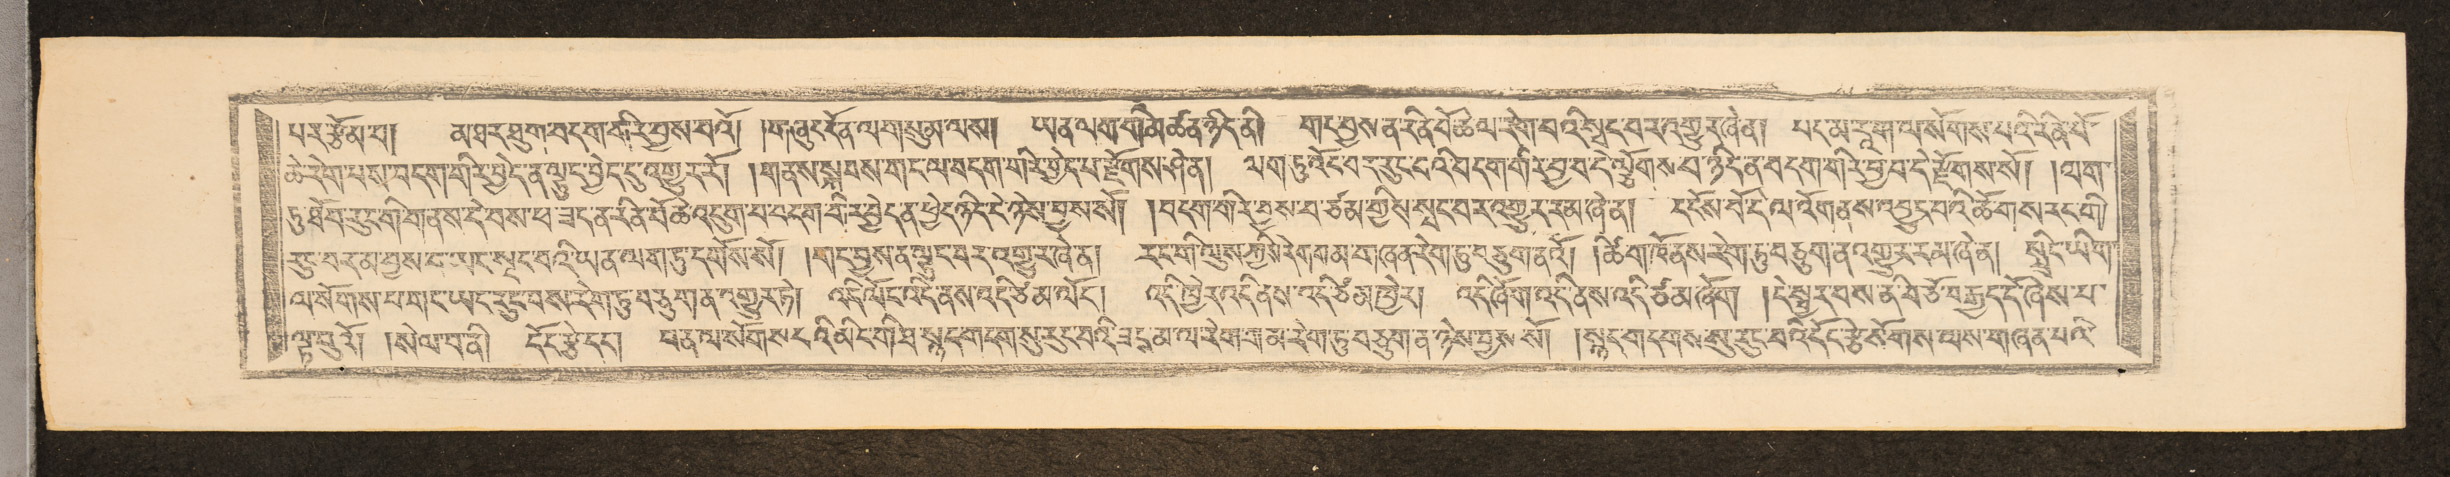པར་རྩོམ་པ། མཐར་ཐུག་བདག་གིར་བྱས་པའོ། །གཞུང་དོན་ལ་གསུམ་ལས། ཡན་ལག་གི་མཚན་ཉིད་ནི། གང་བྱས་ན་རིན་པོ་ཆེ་ལ་རེག་པའི་སྤང་བར་འགྱུར་ཞེ་ན། པད་མ་རཱ་ག་ལ་སོགས་པའི་རིན་པོ་
ཆེ་རེག་པས་བདག་གིར་བྱེད་ན་ལྟུང་བྱེད་དུ་འགྱུར་རོ། །གནས་སྐབས་གང་ལ་བདག་གིར་བྱེད་པ་རྫོགས་ཤེ་ན། ལག་ཏུ་འོང་བར་རུང་བའི་བདག་གིར་བྱ་བ་དེ་ལྕོགས་པ་ཉིད་ན་བདག་གིར་བྱ་བ་དེ་རྫོགས་སོ། །ལག་
ཏུ་ཐོབ་རུང་གི་གནས་དེ་བས་ཕ་ཟད་ན་རིན་པོ་ཆེ་འདུག་པ་བདག་གིར་བྱེད་ན་ཕྱེད་ཉིད་དེ་ཉེས་བྱས་སོ། །བདག་གིར་བྱས་པ་ཙམ་གྱིས་སྤང་བར་འགྱུར་རམ་ཞེ་ན། དངོས་པོ་དེ་ལ་འོག་ནས་འབྱུང་བའི་ཆོ་གས་རང་གི་
རུང་བར་མ་བྱས་པ་ཡང་སྤང་བའི་ཡན་ལག་ཏུ་དགོས་སོ། །གང་བྱས་ན་ལྟུང་བར་འགྱུར་ཞེ་ན། རང་གི་ལུས་ཀྱིས་རེག་གམ་གཞན་རེག་ཏུ་བཅུག་ནའོ། །ཚིག་ཁོ་ནས་རེག་ཏུ་བཅུག་ན་འགྱུར་རམ་ཞེ་ན། སྤྲིང་ཡིག་
ལ་སོགས་པ་གང་ཡང་རུང་བ་ས་རེག་ཏུ་བཅུག་ན་འགྱུར་ཏེ། འདི་ལོ་ང་འདི་ནས་འདི་ཙམ་ལོང་། འདི་ཁྱེར་འདི་ནས་འདི་ཙམ་ཁྱེར། འདི་ཞོག་འདི་ནས་འདི་ཙམ་ཞོག །དེ་སྦྱར་བས་ནི་བཅོ་བརྒྱད་དོ་ཞེས་པ་
ལྟ་བའོ། །སེལ་བ་ནི། དོང་རྩེ་དང་། པ་ན་ལ་སོགས་པའི་མིང་གི་ཐ་སྙད་གདགས་སུ་རུང་བའི་ཟངས་མ་ལ་རེག་གམ་རེག་ཏུ་བཅུག་ན་ཉེས་བྱས་སོ། །སྙད་གདགས་སུ་རུང་བའི་དོང་རྩེ་སོགས་ལས་གཞན་པའི་